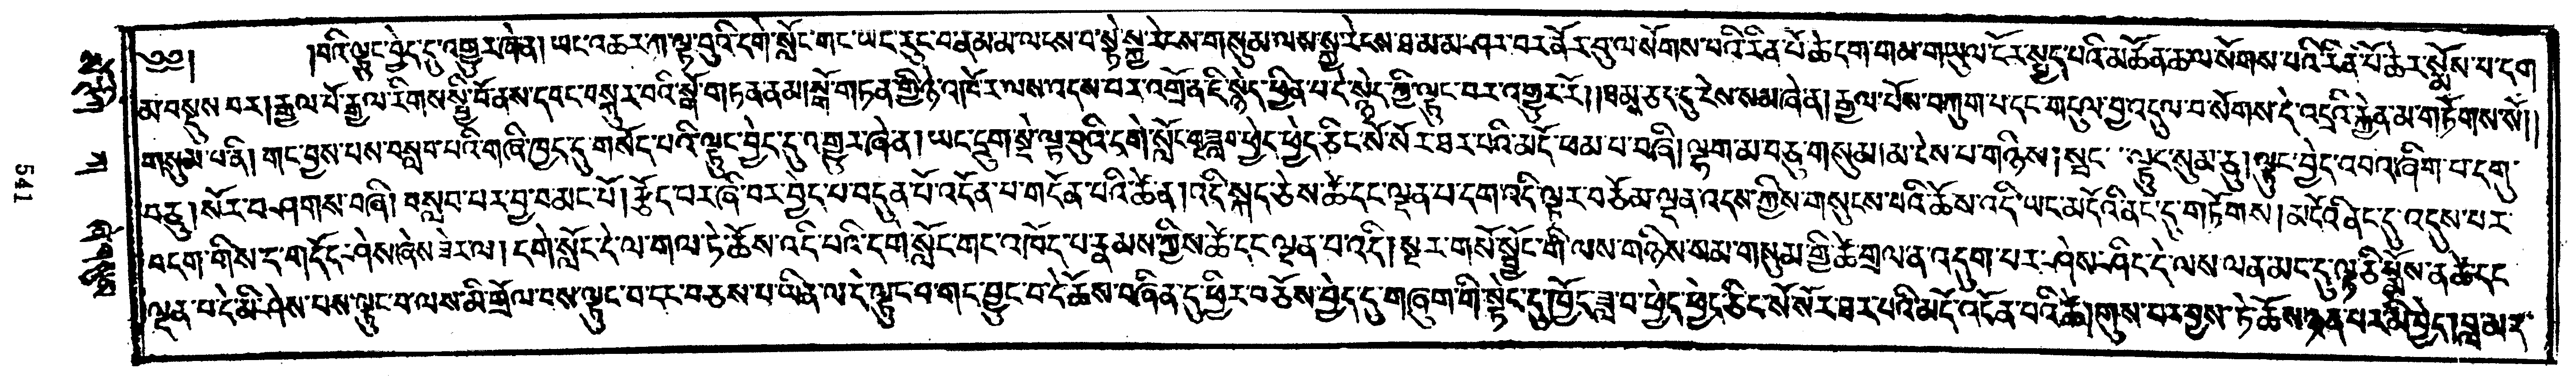༄༅། །བའི་ལྟུང་བྱེད་དུ་འགྱུར་ཞེ་ན། ཡང་འཆར་ཀ་ལྟ་བུའི་དགེ་སློང་གང་ཡང་རུང་བ་ནམ་མ་ལངས་བ་སྟེ་སྐྱ་རེངས་གསུམ་ལས་སྐྱ་རེངས་ཐ་མ་མ་ཤར་བར་ནོར་བུ་ལ་སོགས་པའི་རིན་པོ་ཆེ་དག་གམ་གཡུལ་ངོར་སྤྱད་པའི་མཚོན་ཆ་ལ་སོགས་པའི་རིན་པོ་ཆེར་སྨོས་པ་དག་
མ་བསྡུས་པར། རྒྱལ་པོ་རྒྱལ་རིགས་སྤྱི་བོ་ནས་དབང་བསྐུར་བའི་སྒོ་གཏན་ནམ། སྒོ་གཏན་གྱི་ཉེ་འཁོར་ལས་འདས་པར་འགྲོ་ན་ཇི་སྙེད་ཕྱིན་པ་དེ་སྙེད་ཀྱི་ལྟུང་བར་འགྱུར་རོ། །ཐམས་ཅད་དུ་ངེས་སམ་ཞེ་ན། རྒྱལ་པོས་བཀུག་པ་དང་གདུལ་བྱ་འདུལ་བ་སོགས་དེ་འདྲའི་རྐྱེན་མ་གཏོགས་སོ།།
གསུམ་པ་ནི། གང་བྱས་པས་བསླབ་པའི་གཞི་ཁྱད་དུ་གསོད་པའི་ལྟུང་བྱེད་དུ་འགྱུར་ཞེ་ན། ཡང་དྲུག་སྡེ་ལྟ་བུའི་དགེ་སློང་གང་ཟླ་བ་ཕྱེད་ཕྱེད་ཅིང་སོ་སོར་ཐར་པའི་མདོ་ཕམ་པ་བཞི། ལྷག་མ་བཅུ་གསུམ། མ་ངེས་པ་གཉིས། སྦང་ལྟུང་སུམ་ཅུ། ལྟུང་བྱེད་འབའ་ཞིག་པ་དགུ་
བཅུ། སོར་བཤགས་བཞི། བསླབ་པར་བྱ་བ་མང་པོ། རྩོད་པར་ཞི་བར་བྱེད་པ་བདུན་པོ་འདོན་པ་གདོན་པའི་ཚེ་ན། འདི་སྐད་ཅེས་ཚེ་དང་ལྡན་པ་དག་འདི་ལྟར་བཅོམ་ལྡན་འདས་ཀྱིས་གསུངས་པའི་ཆོས་འདི་ཡང་མདོའི་ནང་དུ་གཏོགས། མདོའི་ནང་དུ་འདུས་པར་
བདག་གིས་ད་གདོད་ཤེས་ཞེས་ཟེར་ལ། དགེ་སློང་དེ་ལ་གལ་ཏེ་ཆོས་འདི་པའི་དགེ་སློང་གང་འཁོད་པ་རྣམས་ཀྱིས་ཚེ་དང་ལྡན་པ་འདི། སྔར་གསོ་སྦྱོང་གི་ལས་གཉིས་སམ་གསུམ་གྱི་ཚེ་གྲལ་ན་འདུག་པར་ཤེས་ཤིང་དེ་ལས་ལན་མང་དུ་ལྟ་ཅི་སྨོས་ན་ཚེ་དང་
ལྡན་པ་དེ་མི་ཤེས་པས་ལྟུང་བ་ལས་མི་གྲོལ་བས་ལྟུང་བ་དང་བཅས་པ་ཡིན་ལ་དེ་ལྟུང་བ་གང་བྱུང་བ་དེ་ཆོས་བཞིན་དུ་ཕྱིར་བཅོས་བྱེད་དུ་གཞུག་གི་སྟེང་དུ་ཁྱོད་ཟླ་བ་ཕྱེད་ཕྱེད་ཅིང་སོ་སོར་ཐར་པའི་མདོ་འདོན་པའི་ཚེ། གུས་པར་བྱས་ཏེ་ཆོས་ཉན་པར་མི་བྱེད། བླ་མར་